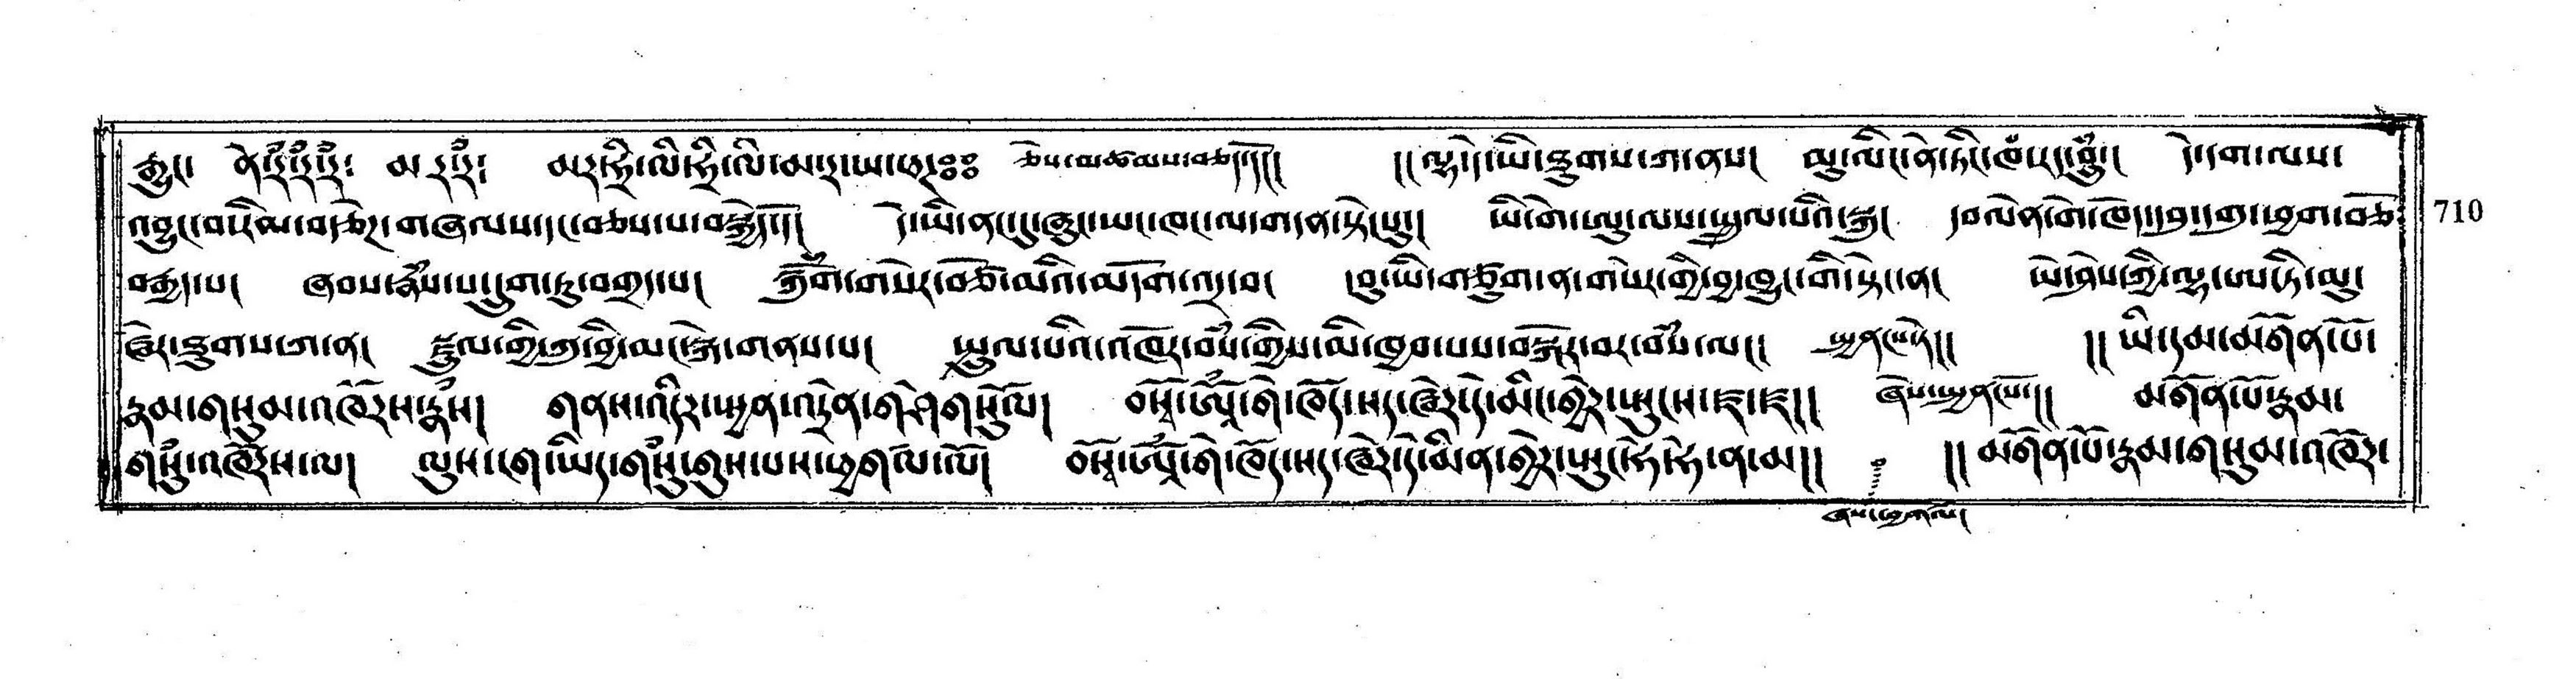རྒྱུང་། ནེ་རཾ་རཾ། མར་རཾ། མར་ཧྲི་ལི་ཧྲི་ལི་མ་ར་ཡ་ཕཊ༔༔ ཅེས་མཚམས་བཅད་དོ།། །།ལྷ་དེ་ཡི་ཐུགས་ཀ་ནས། མུ་ལིང་ནེ་ཏིང་ཁཾ་རྃ་བྲཱུྃ། དེ་དག་ལས་
འབྱུང་བ་རིམ་བརྩེགས་གཞལ་ཡས་དང་བཅས་པ་བསྐྱེད་དོ། དེ་ཡི་ནང་དུ་ཞུང་ཡང་ཁང་གི་གདན་སྟེངས་སུ། ཡི་གེ་ཨུ་ལས་སྤྲུལ་པའི་སྐུ། དབལ་ཆེན་གེ་ཁོད་དབུ་དགུ་ཕྱག་བཅོ་
བརྒྱད་པ། ཞབས་རྣམས་པ་དྲུག་ཏུ་བགྲད་པ། སྐུ་མདོག་གསེར་བཙོ་མའི་མདོག་འདྲ་བ། དབུ་ཡི་གཙུག་ན་གསེར་གྱི་བྱ་ཁྱུང་གི་སྟེང་ན། ཡེ་ཤེས་ཀྱི་ལྷ་ཨ་ཏི་མུ་
ཝེར་ཐུགས་ཀ་ན། རྫུ་སྤྲུལ་གྱི་ཀུ་བྱི་མང་སྐེ་གནས་པ། སྤྲུལ་པའི་འཁོར་བསམ་གྱིས་མི་ཁྱབ་པས་བསྐོར་བར་བསམ་ལ།། སྤྱན་དྲངས་ཏེ།། །།ཡི་དམ་མགོན་པོ་
རྣམ་གསུམ་འཁོར་བཅས་རྣམས། གནས་འདིར་སྤྱན་འདྲེན་གཤེགས་སུ་གསོལ། བསྭོ་ཨཱོཾ་གེ་ཁོད་སད་ཝེར་དེ་མིང་གྱེར་སྤུངས་ཇ་ཇ། ཞེས་སྤྱན་དྲངས་སོ།། མགོན་པོ་རྣམ་
གསུམ་འཁོར་བཅས་ལ། ལུས་ངག་ཡིད་གསུམ་གུས་པས་ཕྱག་འཚལ་ལོ། བསྭོ་ཨཱོྃ་གེ་ཁོད་སད་ཝེར་དེ་མིན་གྱེར་སྤུང་ཧེ་ཧེ་ན་མ། ཞེས་ཕྱག་འཚལ་ལོ།། མགོན་པོ་རྣམ་གསུམ་འཁོར་